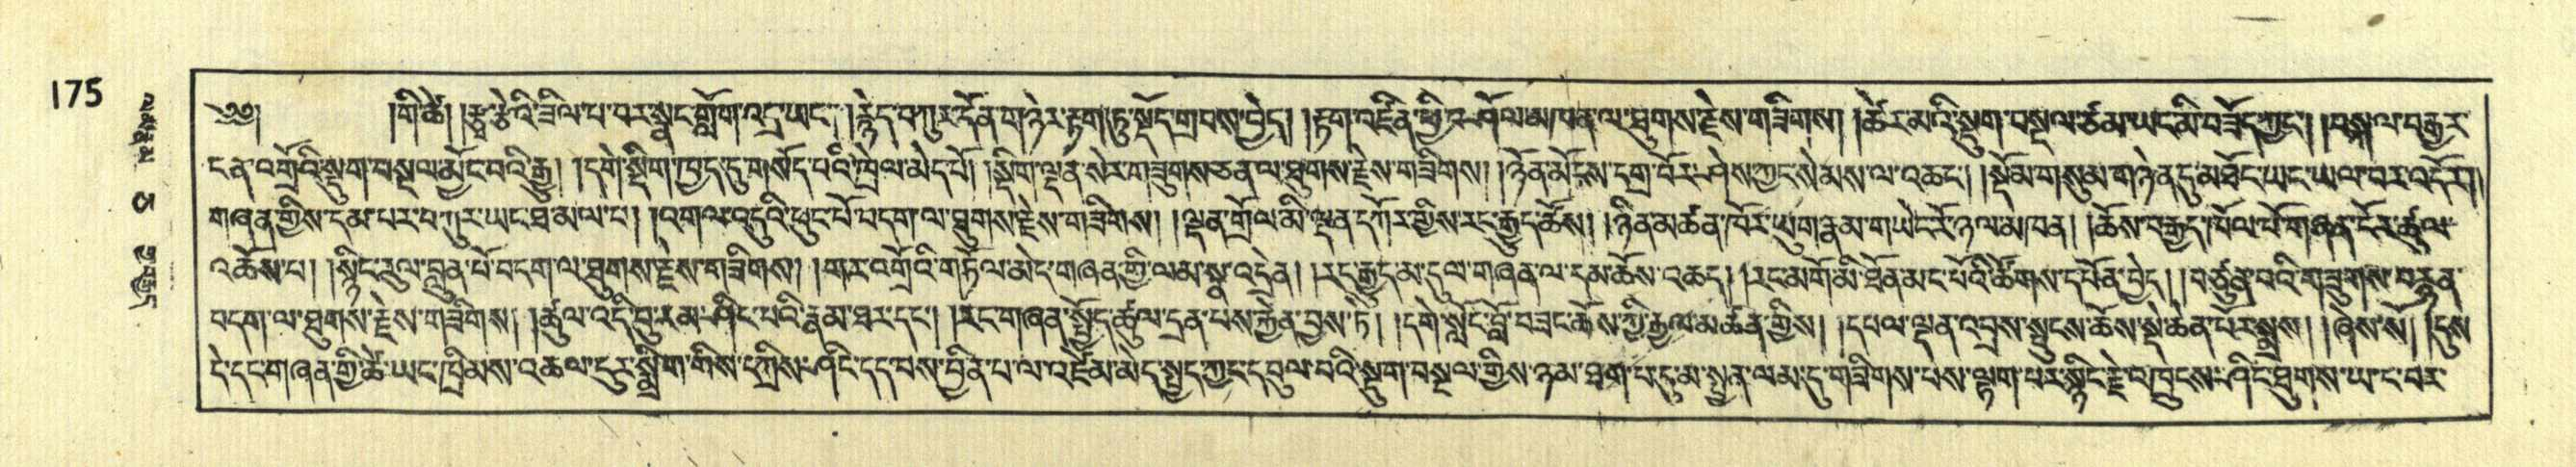༄༅། །གི་ཚེ། །རྩྭ་རྩེའི་ཟིལ་པ་བར་སྣང་གློག་འདྲ་ཡང་། །རྙེད་བཀུར་དོན་གཉེར་རྟག་ཏུ་སྡོད་གྲབས་བྱེད། །རྟག་འཛིན་ཕྱི་འྴོལ་མཁན་ལ་ཐུགས་རྗེས་གཟིགས། །ཚེར་མའི་སྡུག་བསྔལ་ཙམ་ཡང་མི་བཟོད་ཀྱང་། །བསྐལ་བརྒྱར་
ངན་འགྲོའི་སྡུག་བསྔལ་མྱོང་བའི་རྒྱུ། །དགེ་སྡིག་ཁྱད་དུ་གསོད་པའི་ཁྲེལ་མེད་པོ། །སྡིག་ལྡན་སེར་གཟུགས་ཅན་ལ་ཐུགས་རྗེས་གཟིགས། །ཉོན་མོངས་དགྲ་བོར་ཤེས་ཀྱང་སེམས་ལ་འཆང་། །སྡོམ་གསུམ་གཉེན་དུ་མཐོང་ཡང་ཡལ་བར་འདོར།།
གཞན་གྱིས་དམ་པར་བཀུར་ཡང་ཐ་མལ་པ། །འགལ་འདུའི་ཕུང་པོ་བདག་ལ་ཐུགས་རྗེས་གཟིགས། །ལྡན་གྲོལ་མི་ལྡན་དཀོར་གྱིས་རང་རྒྱུད་ཚོས། །ཉིན་མཚན་ཁོར་ཡུག་རྣམ་གཡེང་རོ་ཉལ་མཁན། །ཆོས་བརྒྱད་ཁོལ་པོ་གཞན་གནོར་ཚུལ་
འཆོས་པ། །སྙིང་རུལ་བླུན་པོ་བདག་ལ་ཐུགས་རྗེས་གཟིགས། །གར་འགྲོའི་གཏོལ་མེད་གཞན་གྱི་ལམ་སྣ་འདྲེན། །རང་རྒྱུད་མ་དུལ་གཞན་ལ་དམ་ཆོས་འཆད། །རང་མགོ་མི་ཐོན་མང་པོའི་ཚོགས་དཔོན་བྱེད། །བཙུན་པའི་གཟུགས་བརྙན་
བདག་ལ་ཐུགས་རྗེས་གཟིགས། །ཚུལ་འདི་བུ་རམ་ཤིང་པའི་རྣམ་ཐར་དང་། །རང་གཞན་སྤྱོད་ཚུལ་དྲན་པས་རྐྱེན་བྱས་ཏེ། །དགེ་སློང་བློ་བཟང་ཆོས་ཀྱི་རྒྱལ་མཚན་གྱིས། །དཔལ་ལྡན་འབྲས་སྤུངས་ཆོས་སྡེ་ཆེན་པོར་སྨྲས། །ཞེས་སོ། །དུས་
དེ་དང་གཞན་གྱི་ཚེ་ཡང་ཁྲིམས་འཆལ་དུར་སྨྲིག་གིས་དཀྲིས་ཤིང་དད་བས་བྱིན་པ་ལ་འཛེམ་མེད་སྤྱད་ཀྱང་དབུལ་བའི་སྡུག་བསྔལ་གྱིས་ཉམ་ཐག་པ་དུ་མ་སྤྱན་ལམ་དུ་གཟིགས་པས་ལྷག་པར་སྙིང་རྗེ་འཁྲུངས་ཤིང་ཐུགས་ཡ་ང་བར་